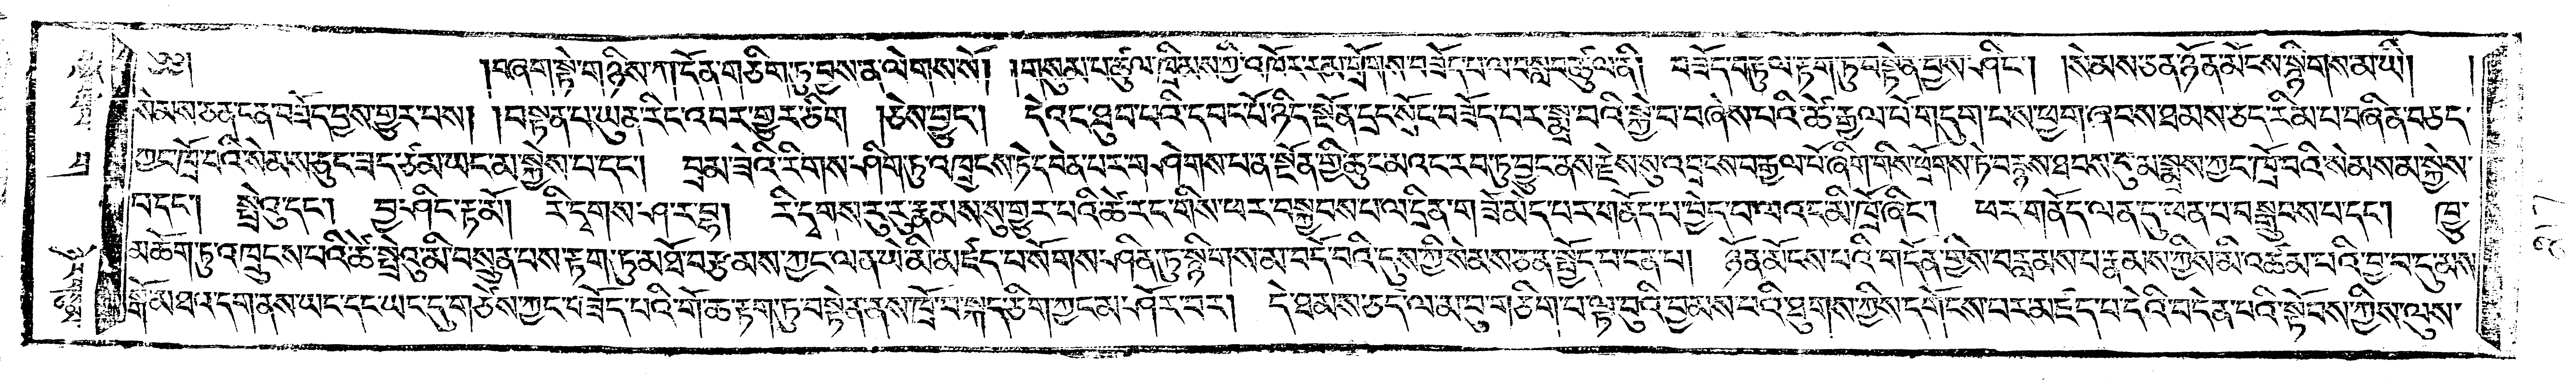༄༅། །བཞག་སྟེ་གཉིས་ཀ?་གཅིག་ཏུ་བྱས་ན་ལེགས་སོ། །གསུམ་པ་ཚུལ་ཁྲིམས་ཀྱི་འཁོར་རམ་གྲོགས་བཟོད་པ་ལ་བསླབ་ཚུལ་ནི། བཟོད་བརྟུལ་རྟག་ཏུ་བསྟེན་བྱས་ཤིང་། །སེམས་ཅན་ཉོན་མོངས་སྙིགས་མ་ཡི། །
སེམས་ཅན་ངན་བཟོང་བྱས་གྱུར་པས། །བསྟན་པ་ཡུན་རིང་འབར་གྱུར་ཅིང་། །ཅེས་བྱུང་། དེའང་ཐུབ་པའི་དབང་པོ་ཉིད་སྔོན་དྲང་སྲོང་བཟོད་པར་སྨྲ་བའི་སྐྱེ་བ་བཞེས་པའི་ཚེ་རྒྱལ་པོ་གདུག་པས་ཕྱག་ཞབས་ཐམས་ཅད་རིམ་པ་བཞིན་བཙད་
ཀྱང་ཁྲོ་བའི་སེམས་ཅུང་ཟད་ཙམ་ཡང་མ་སྐྱེས་པ་དང་། བྲམ་ཟེའི་རིགས་ཤིག་ཏུ་འཁྲུངས་ཏེ་དབེན་པར་གཤེགས་པ་ན་སྔོན་གྱི་ཆུང་མའང་རབ་ཏུ་བྱུང་ནས་རྗེས་སུ་འབྲངས་པ་རྒྱལ་པོ་ཞིག་གིས་ཕྲོགས་ཏེ་བརྙས་ཐབས་དུ་མ་སྨྲས་ཀྱང་ཁྲོ་བའི་སེམས་མ་སྐྱེས་
པ་དང་། སྤྲེའུ་དང་། བྱ་ཤིང་རྟ་མོ། རི་དྭགས་ཤ་ར་བྷ། རི་དྭགས་རུ་?་རྣམས་སུ་གྱུར་པའི་ཚེ་རང་གིས་ཕར་བསྐྱབས་པ་ལ་དྲིན་གཟི་མེད་པར་གནོད་པ་བྱེད་པ་ལའང་མི་ཁྲོ་ཞིང་། ཕར་གནོད་ལན་དུ་ཕན་བ་བསྒྲུབས་པ་དང་། ཁྱུ་
མཆོག་ཏུ་འཁྲུངས་པའི་ཚེ་སྤྲེའུ་མི་བསྲུན་བས་རྟག་ཏུ་ན་ཐོབ་རྩམས་ཀྱང་ལན་ཡེ་མི་མཛད་གསོགས་ཤིན་ཏུ་སྙིགས་མ་བདེ་བའི་དུས་ཀྱི་སེམས་ཅན་སྤྱོད་པ་དན་པ། ཉོན་མོངས་པའི་གདོན་གྱིས་བརླམས་པ་རྣམས་ཀྱིས་མི་འཚམ་པའི་བྱ་བ་དུ་མས་
སྒོ་མཐའ་དག་ནས་ཡང་དང་ཡང་དུ་གཙེས་ཀྱང་བཟོད་པའི་གོ་ཆ་རྟག་ཏུ་བསྟེན་ནས་ཁྲོ་བསྐད་ཅིག་ཀྱང་མ་ཤོར་བར། དེ་ཐམས་ཅད་ལམ་བུ་གཅིག་པ་ལྟ་བུའི་བྱམས་པའི་ཐུགས་ཀྱིས་དགོངས་པར་མཛད་བ་དེའི་བདེན་པའི་སྟོབས་ཀྱིས་ལུས་